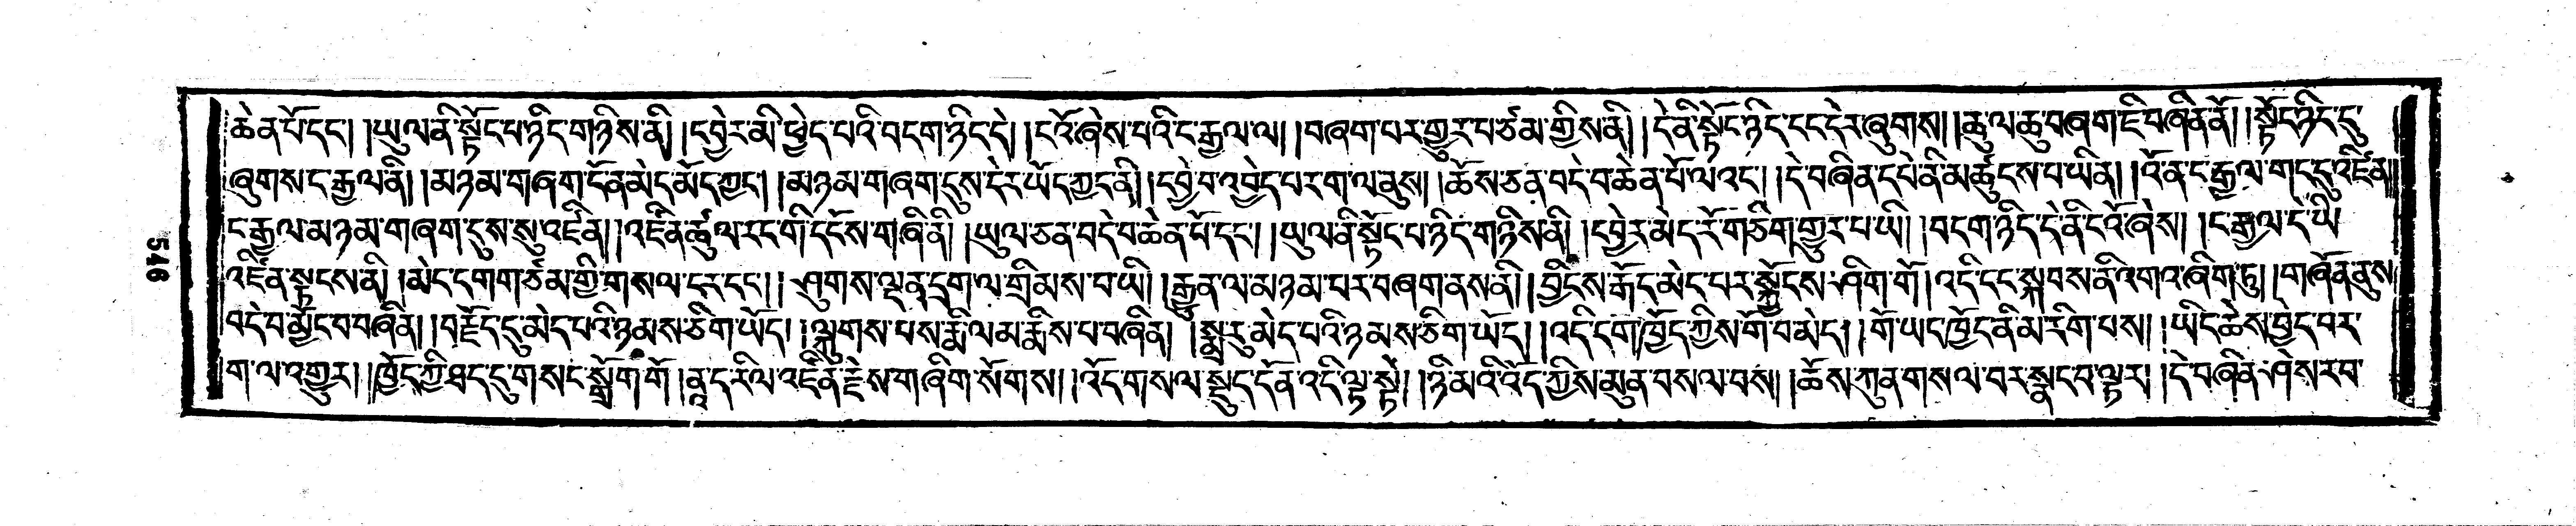ཆེན་པོ་དང་། །ཡུལ་ནི་སྟོང་པ་ཉིད་གཉིས་ནི། །དབྱེར་མི་ཕྱེད་པའི་བདག་ཉིད་དེ། །ངའོ་ཞེས་པའི་ང་རྒྱལ་ལ། །བཞག་པར་གྱུར་པ་ཙམ་གྱིས་ནི། །དེ་ནི་སྟོང་ཉིད་ངང་དེར་ཞུགས། །ཆུ་ལ་ཆུ་བཞག་ཇི་བཞིན་ནོ། །སྟོང་ཉིད་དུ་
ཞུགས་ང་རྒྱལ་ནི། །མཉམ་གཞག་ངོ་ན་མེད་མོད་ཀྱང་། །མཉམ་གཞག་དུས་དེར་ཡོད་ཀྱང་ནི། །དབྱེ་བ་འབྱེད་པར་ག་ལ་ནུས། །ཆོས་ཅན་བདེ་བ་ཆེན་པོ་ལའང་། །དེ་བཞིན་དཔེ་ནི་མཚུངས་པ་ཡིན། །འོ་ན་ང་རྒྱལ་གང་དུ་འཛིན།།
ང་རྒྱལ་མཉམ་གཞག་དུས་སུ་འཛིན། །འཛིན་ཚུལ་རང་གི་དངོས་གཞི་ནི། །ཡུལ་ཅན་བདེ་བ་ཆེན་པོ་དང་། །ཡུལ་ནི་སྟོང་པ་ཉིད་གཉིས་ནི། །དབྱེར་མེད་རོ་གཅིག་གྱུར་པ་ཡི། །བདག་ཉིད་དེ་ནི་ངའོ་ཞེས། །ང་རྒྱལ་དེ་ཡི་
འཛིན་སྟངས་ནི། །མེད་དགག་ཙམ་གྱི་གསལ་ངར་དང་། །ཤུགས་ལྡན་དྲག་ལ་གྲིམས་པ་ཡི། །རྒྱུན་ལ་མཉམ་པ་བཞག་ནས་ནི། །བྱིངས་རྗོད་མེད་པར་སྐྱོངས་ཤིག་གོ །འདི་དང་སྐབས་ནི་འགའ་ཞིག་ཏུ། །གཞོན་ནུས་
བདེ་བ་མྱོང་བ་བཞིན། །བརྗོད་དུ་མེད་པའི་ཉམས་ཅིག་ཡོད། །ལྐུགས་པས་རྨི་ལམ་རྨིས་པ་བཞིན། །སྨྲ་རུ་མེད་པའི་ཉམས་ཅིག་ཡོད། །འདི་དག་ཁྱོད་ཀྱིས་གོ་བ་མེད། །གོ་ཡང་ཁྱོད་ནི་མ་རིག་པས། །ཡིད་ཆེས་བྱེད་པར་
ག་ལ་འགྱུར། །ཁྱོད་ཀྱི་ཐད་དུ་གསང་སྒྲོག་གོ། །ནཱ་ད་རིལ་འཛིན་རྗེས་གཞིག་སོགས། །འོད་གསལ་སྡུད་དོན་འདི་ལྟ་སྟེ། །ཉི་མའི་འོད་ཀྱིས་མུན་བསལ་བས། །ཆོས་ཀུན་གསལ་བར་སྣང་བ་ལྟར། །དེ་བཞིན་ཤེས་རབ་